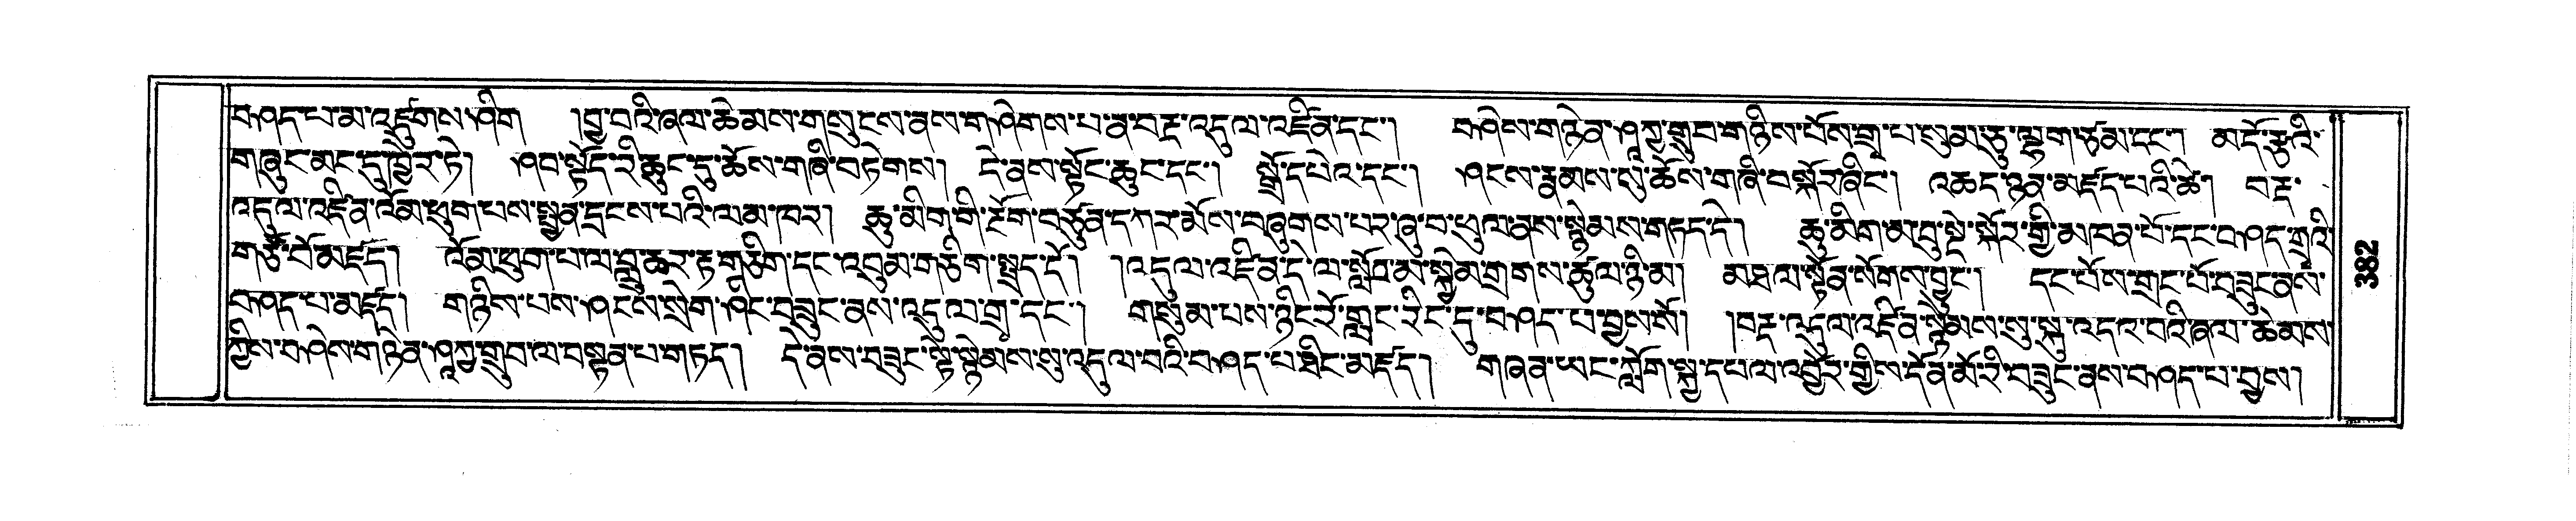བཤད་པ་མ་འཛུགས་ཤིག །བྱ་བའི་ཞལ་ཆེམས་གསུངས་ནས་གཤེགས་པ་ན་བརྡ་འདུལ་འཛིན་དང་། བཤེས་གཉེན་ཤྰྐྱ་གྲུབ་གཉིས་པོས་གྲྭ་པ་སུམ་ཅུ་ལྷག་ཙམ་དང་། མདོ་རྩའི་
གཞུང་མང་དུ་ཁྱེར་ཏེ། ཤབ་སྟོད་རི་ཆུང་དུ་ཆོས་གཞི་བཏེགས། དེ་ནས་སྟོང་ཆུང་དང་། སྒྲོ་དཔེའ་དང་། ཤངས་རྣམས་སུ་ཆོས་གཞི་བསྐོར་ཞིང་། འཆང་ཉན་མཛད་པའི་ཚེ། བརྡ་
འདུལ་འཛིན་འོམ་ཕུག་པས་སྤྱན་དྲངས་པའི་ལམ་ཁར། ཆུ་མིག་གི་རྔོག་བཙུན་དཀར་མོས་བཞུགས་པར་ཞུ་བ་ཕུལ་ནས་སྙེམས་གཏད་དེ། ཆུ་མིག་མ་བུ་སྡེ་སྐོར་གྱི་མཁན་པོ་དང་བཤད་གྲྭའི་
གཙོ་བོ་མཛད། འོམ་ཕུག་པ་ལ་བླུ་ཆར་རྟ་གཅིག་དང་འབུམ་གཅིག་སྤྲད་དོ། །འདུལ་འཛིན་དེ་ལ་སློབ་མ་སྐྱེམ་གྲགས་ཚུལ་ཉི་མ། མཐལ་སྟོན་སོགས་བྱུང་། དང་པོས་གྲང་པོ་བཟུང་ནས་
བཤད་པ་མཛད། གཉིས་པས་ཤངས་སྲེག་ཤིང་བཟུང་ནས་འདུལ་གྲྭ་དང་། གསུམ་པས་ཉིང་རོ་གླང་རིང་དུ་བཤད་པ་བྱས་སོ། །བརྡ་འདུལ་འཛིན་སྙེམས་སུ་སྐུ་འདའ་བའི་ཞལ་ཆེམས་
ཀྱིས་བཤེས་གཉེན་ཤྰྐྱ་གྲུབ་ལ་བསྟན་པ་གཏད། དེ་ནས་བཟུང་སྟེ་སྙེམས་སུ་འདུལ་བའི་བཤད་པ་ཐིང་མཛད། གཞན་ཡང་ཀློག་སྐྱ་དཔལ་འབྱོར་གྱིས་དོན་མོ་རི་བཟུང་ནས་བཤད་པ་བྱས།